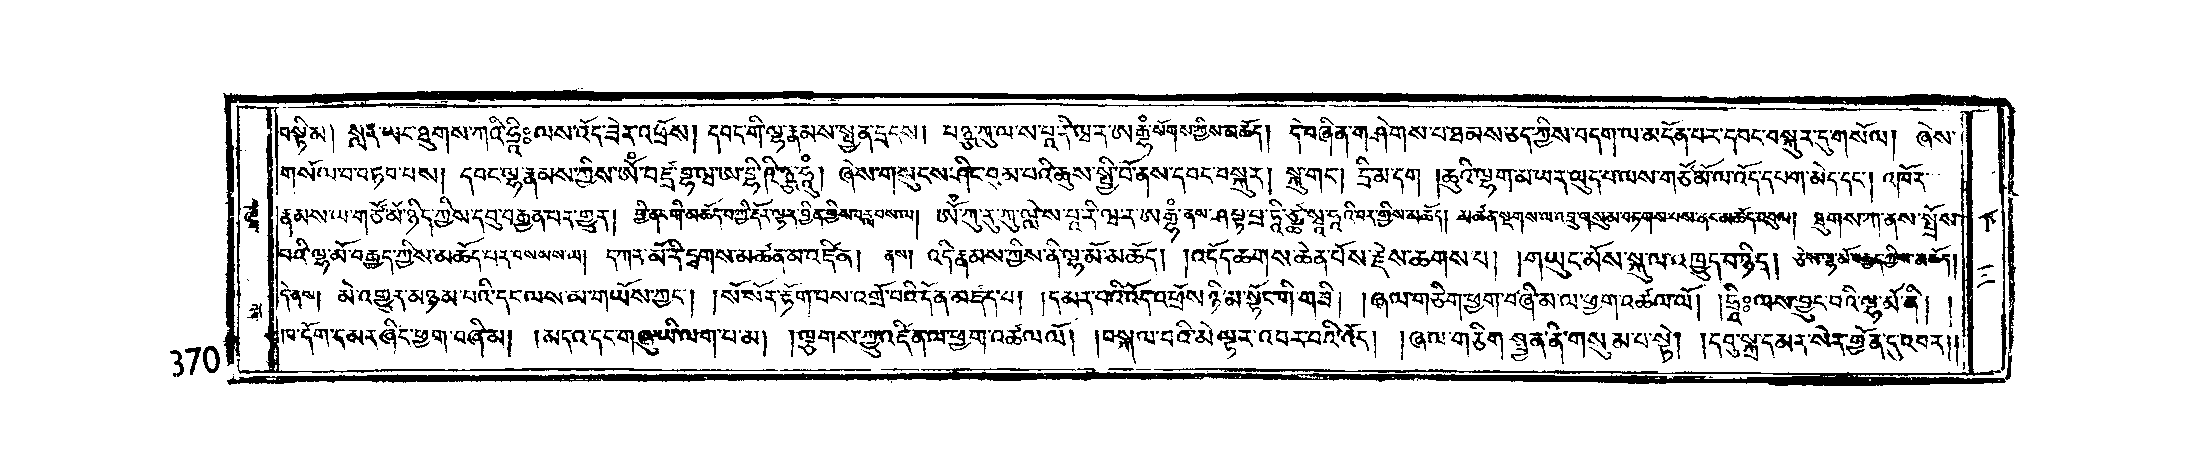བསྟིམ། སླར་ཡང་ཐུགས་ཀའི་ཧྲཱིཿ ལས་འོད་ཟེར་འཕྲོས། དབང་གི་ལྷ་རྣམས་སྤྱན་དྲངས། པཉྩ་ཀུ་ལ་ས་པཱ་རི་ཝ་ར་ཨ་རྒྷཾ་སོགས་ཀྱིས་མཆོད། དེ་བཞིན་གཤེགས་པ་ཐམས་ཅད་ཀྱིས་བདག་ལ་མངོན་པར་དབང་བསྐུར་དུ་གསོལ། ཞེས་
གསོལ་བ་བཏབ་པས། དབང་ལྷ་རྣམས་ཀྱིས་ཨོཾ་བཛྲ་བྷ་ཝ་ཨ་བྷི་ཥིཉྩ་ཧཱུཾ། ཞེས་གསུངས་ཤིང་བུམ་པའི་ཆུས་སྤྱི་བོ་ནས་དབང་བསྐུར། སྐུ་གང་། དྲི་མ་དག །ཆུའི་ལྷག་མ་ཡར་ལུད་པ་ལས་གཙོ་མོ་ལ་འོད་དཔག་མེད་དང་། འཁོར་
རྣམས་ལ་གཙོ་མོ་ཉིད་ཀྱིས་དབུ་བརྒྱན་པར་གྱུར། ཕྱི་ནང་གི་མཆོད་པ་ཀྱི་རྡོར་ལྟར་བྱིན་གྱིས་བརླབས་ལ། ཨོཾ་ཀུ་རུ་ཀུ་ལླེ་ས་པཱ་རི་ཝ་ར་ཨ་རྒྷཾ་ནས་ཤཔྟ་པྲ་ཏཱི་ཙྪ་སྭཱཧཱའི་བར་གྱིས་མཆོད། མཚན་སྔགས་ལ་འབྲུ་གསུམ་བཏགས་པས་ནང་མཆོད་འབུལ། ཐུགས་ཀ་ནས་སྤྲོས་
པའི་ལྷ་མོ་བརྒྱད་ཀྱིས་མཆོད་པར་བསམས་ལ། དཀར་མོ་རི་དྭགས་མཚན་མ་འཛིན། ནས། འདི་རྣམས་ཀྱིས་ནི་ལྷ་མོ་མཆོད། །འདོད་ཆགས་ཆེན་པོས་རྗེས་ཆགས་པ། །གཡུང་མོས་སྐུ་ལ་འཁྱུད་པ་ཉིད། ཅེས་ལྷ་མོ་བརྒྱད་ཀྱིས་མཆོད།
དེ་ནས། མེ་འགྱུར་མཉམ་པའི་དང་ལས་མ་གཡོས་ཀྱང་། །སོ་སོར་རྟོག་པས་འགྲོ་བའི་དོན་མཛད་པ། དམར་པའི་འོད་འཕྲོས་ཉི་མ་སྟོང་གི་གཟི། །ཞལ་གཅིག་ཕྱག་བཞི་མ་ལ་ཕྱག་འཚལ་ལོ། །ཧྲཱིཿ ལས་བྱུང་བའི་ལྷ་མོ་ནི། །
ཁ་དོག་དམར་ཞིང་ཕྱག་བཞི་མ། །མདའ་དང་གཞུ་ཡི་ལག་པ་མ། །ལྕགས་ཀྱུ་འཛིན་ལ་ཕྱག་འཚལ་ལོ། །བསྐལ་བའི་མེ་ལྟར་འབར་བའི་འོད། །ཞལ་གཅིག་སྤྱན་ནི་གསུམ་པ་སྟེ། །དབུ་སྐྲ་དམར་སེར་གྱོན་དུ་འབར།།